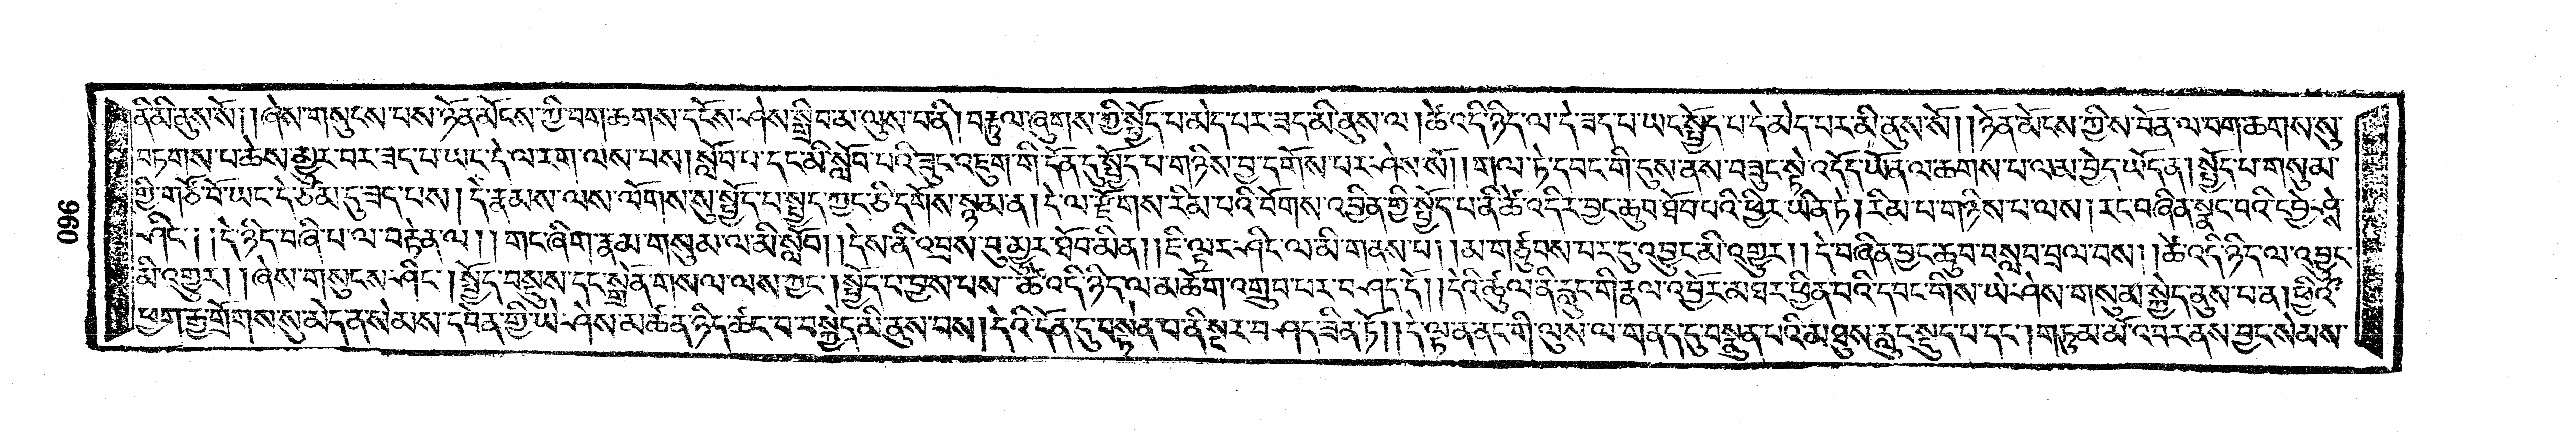ནི་མི་ནུས་སོ། །ཞེས་གསུངས་པས་ཉོན་མོངས་ཀྱི་བག་ཆགས་དངོས་ཤེས་སྒྲིབ་མ་ལུས་པ་ནི། བརྟུལ་ཞུགས་ཀྱི་སྤྱོད་པ་མེད་པར་ཟད་མི་ནུས་ལ། ཚེ་འདི་ཉིད་ལ་དེ་ཟད་པ་ཡང་སྤྱོད་པ་དེ་མེད་པར་མི་ནུས་སོ། །ཉོན་མོངས་ཀྱི་ས་བོན་ལ་བག་ཆགས་སུ་
བཏགས་པ་ཆེས་མྱུར་བར་ཟད་པ་ཡང་དེ་ལ་རག་ལས་པས། སློབ་པ་དང་མི་སློབ་པའི་ཟུང་འཇུག་གི་དོན་དུ་སྤྱོད་པ་གཉིས་བྱ་དགོས་པར་ཤེས་སོ། །གལ་ཏེ་དབང་གི་དུས་ནས་བཟུང་སྟེ་འདོད་ཡོན་ལ་ཆགས་པ་ལམ་བྱེད་ཡོད་ན། སྤྱོད་པ་གསུམ་
གྱི་གཙོ་བོ་ཡང་དེ་ཙམ་དུ་ཟད་པས། དེ་རྣམས་ལས་ལོགས་སུ་སྤྱོད་པ་སྤྱད་ཀྱང་ཅི་དགོས་སྙམ་ན། དེ་ལ་རྫོགས་རིམ་པའི་བོགས་འབྱིན་གྱི་སྤྱོད་པ་ནི་ཚ་འདིར་བྱང་ཆུབ་ཐོབ་པའི་ཕྱིར་ཡིན་ཏེ། རིམ་པ་གཉིས་པ་ལས། རང་བཞིན་སྣང་བའི་དབྱེ་ཤེས་
ཤིང་། །དེ་ཉིད་བཞི་པ་ལ་བརྟེན་ལ། །གང་ཞིག་རྣམ་གསུམ་ལ་མི་སློབ། །དེས་ནི་འབྲས་བུ་མྱུར་ཐོབ་མིན། །ཇི་ལྟར་ཤིང་ལ་མི་གནས་པ། །མ་གཙུབས་པར་དུ་འབྱུང་མི་འགྱུར། །དེ་བཞིན་བྱང་ཆུབ་བསླབ་བྲལ་བས། །ཚེ་འདི་ཉིད་ལ་འབྱུང་
མི་འགྱུར། །ཞེས་གསུངས་ཤིང་། སྤྱོད་བསྡུས་དང་སྒྲོན་གསལ་ལས་ཀྱང་། སྤྱོད་པ་བྱས་པས་ཚེ་འདི་ཉིད་ལ་མཆོག་འགྲུབ་པར་བཤད་དོ། །དེའི་ཚུལ་ནི་རླུང་གི་རྣལ་འབྱོར་མཐར་ཕྱིན་པའི་དབང་གིས་ཡེ་ཤེས་གསུམ་སྐྱེད་ནུས་པ་ན། ཕྱིའི་
ཕྱག་རྒྱ་གྲོགས་སུ་མེད་ན་སེམས་དབེན་གྱི་ཡེ་ཤེས་མཚན་ཉིད་ཚང་བ་བསྐྱེད་མི་ནུས་པས། དེའི་དོན་དུ་བསྟེན་པ་ནི་སྔར་བཤད་ཟིན་ཏོ། །དེ་ལྟ་ན་ནང་གི་ལུས་ལ་གནད་དུ་བསྣུན་པའི་མཐུས་རླུང་སྡུད་པ་དང་། གཏུམ་མོ་འབར་ནས་བྱང་སེམས་